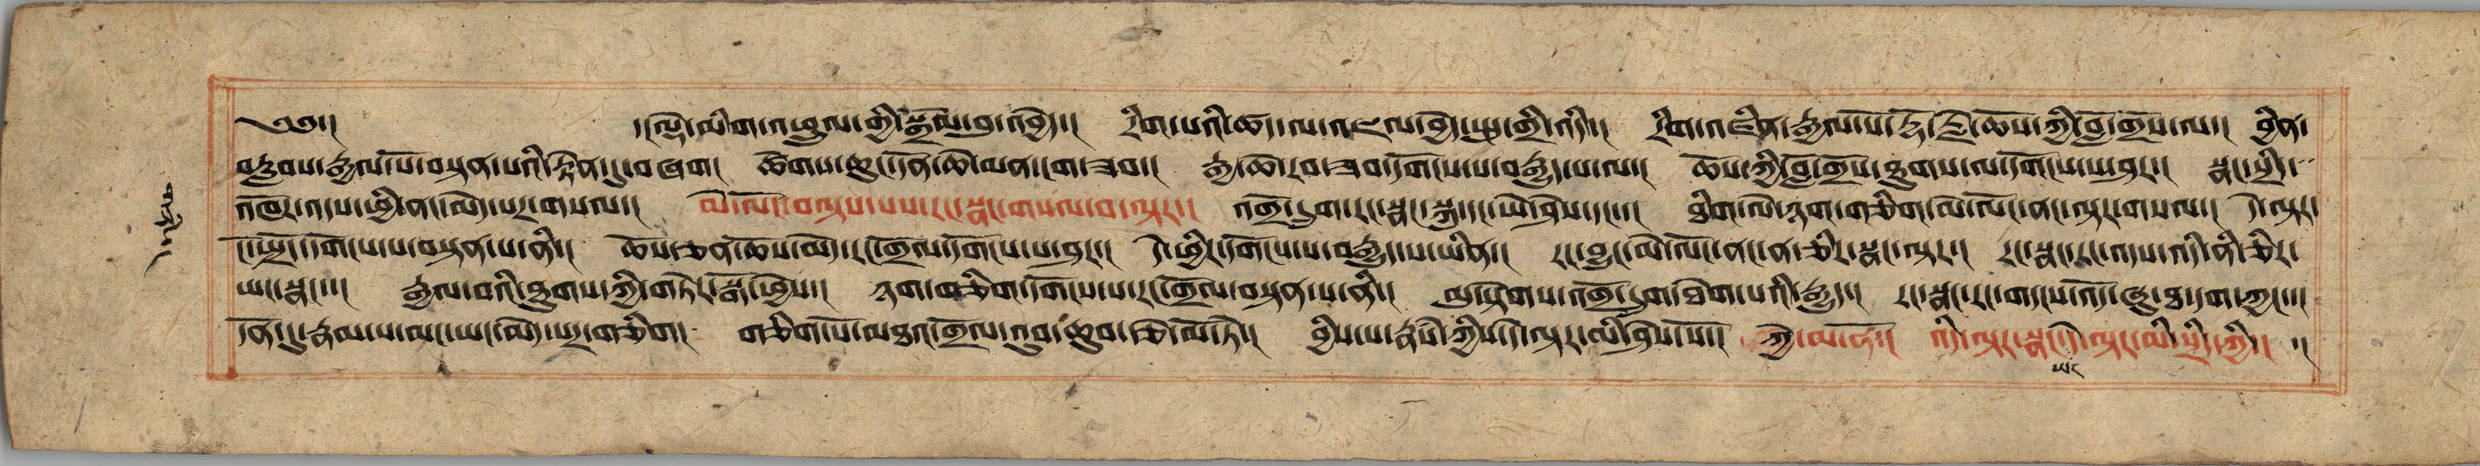༄༅་། ་།ལྡེ་མིག་འཕྲུལ་གྱི་སྒྲོམ་བུ་འབྱེད་། རིག་པའི་ཚད་ལ་འཇལ་བྱེད་སྤུ་གྲི་འདི་། རིག་འཛིན་རྒྱལ་པོ་རྡོ་རྗེ་ཆོས་ཀྱི་བློ་གྲོས་ལ་། བྱིན་
བརླབས་རྒྱལ་པོ་བསྟན་པའི་རྟེན་དུ་བཞག། ཚེགས་ཆུང་དོན་ཆེ་མན་ངག་ཟབ་། རྒྱ་ཆེ་རབ་ཟབ་དགོངས་པ་བརྒྱུད་པ་ལ་། ཆོས་ཀྱི་བློ་གྲོས་ཐུགས་ལ་དགོངས་པ་ཤར་། སྣང་སྲིད་
འཁོར་འདས་ཕྱི་ནང་མེད་པར་གསལ་། མེ་ལོང་བལྟས་པས་རང་སྣང་གསལ་བ་ལྟར་། འགྲོ་དྲུག་རང་སྣང་སྐུ་དང་ཡེ་ཤེས་དང་་། ཐིག་ལེ་ཉག་གཅིག་མེ་ལོང་ནང་ལྟར་གསལ་། དེ་ལྟར་
ངོ་སྤྲོད་དགོངས་པ་བསྟན་པ་ནི་། ཆོས་ཅན་ཆོས་མེད་རང་གྲོལ་དགོངས་པ་ཤར་། དེ་ཕྱིར་དགོངས་པ་བརྒྱུད་པ་ཡིན་། རང་བྱུང་མེ་ལོང་ནང་ན་ཅིར་སྣང་ལྟར་། རང་སྣང་རང་འདས་འདི་ནི་ཅིར་
ཡང་སྣང་་། རྒྱལ་བའི་ཐུགས་ཀྱི་གཏེར་སྒོ་ཕྱེས་། ཉག་གཅིག་དགོངས་པ་རང་གྲོལ་བསྟན་པ་ནི་། མུ་སྟེགས་འགྲོ་དྲུག་ཐེག་པའི་རྒྱུད་། རང་སྣང་རང་གདངས་འོད་ཞུ་ཐ་དག་ཀྱང་་།
དོན་དུ་རྣམ་པ་མང་ཡང་མེད་པར་གཅིག། གཅིག་པོ་མཐའ་གྲོལ་འུབ་ཆུབ་རྩེ་མོ་ཏེ་། བྱིས་པ་རྣཾས་ཀྱིས་དེ་ལྟར་མི་ཤེས་སོ་། ཀྱེ་མ་ཧོ་། འདི་ལྟར་སྣང་དེ་ལྟར་མི་སྲིད་ཀྱི་། ་།